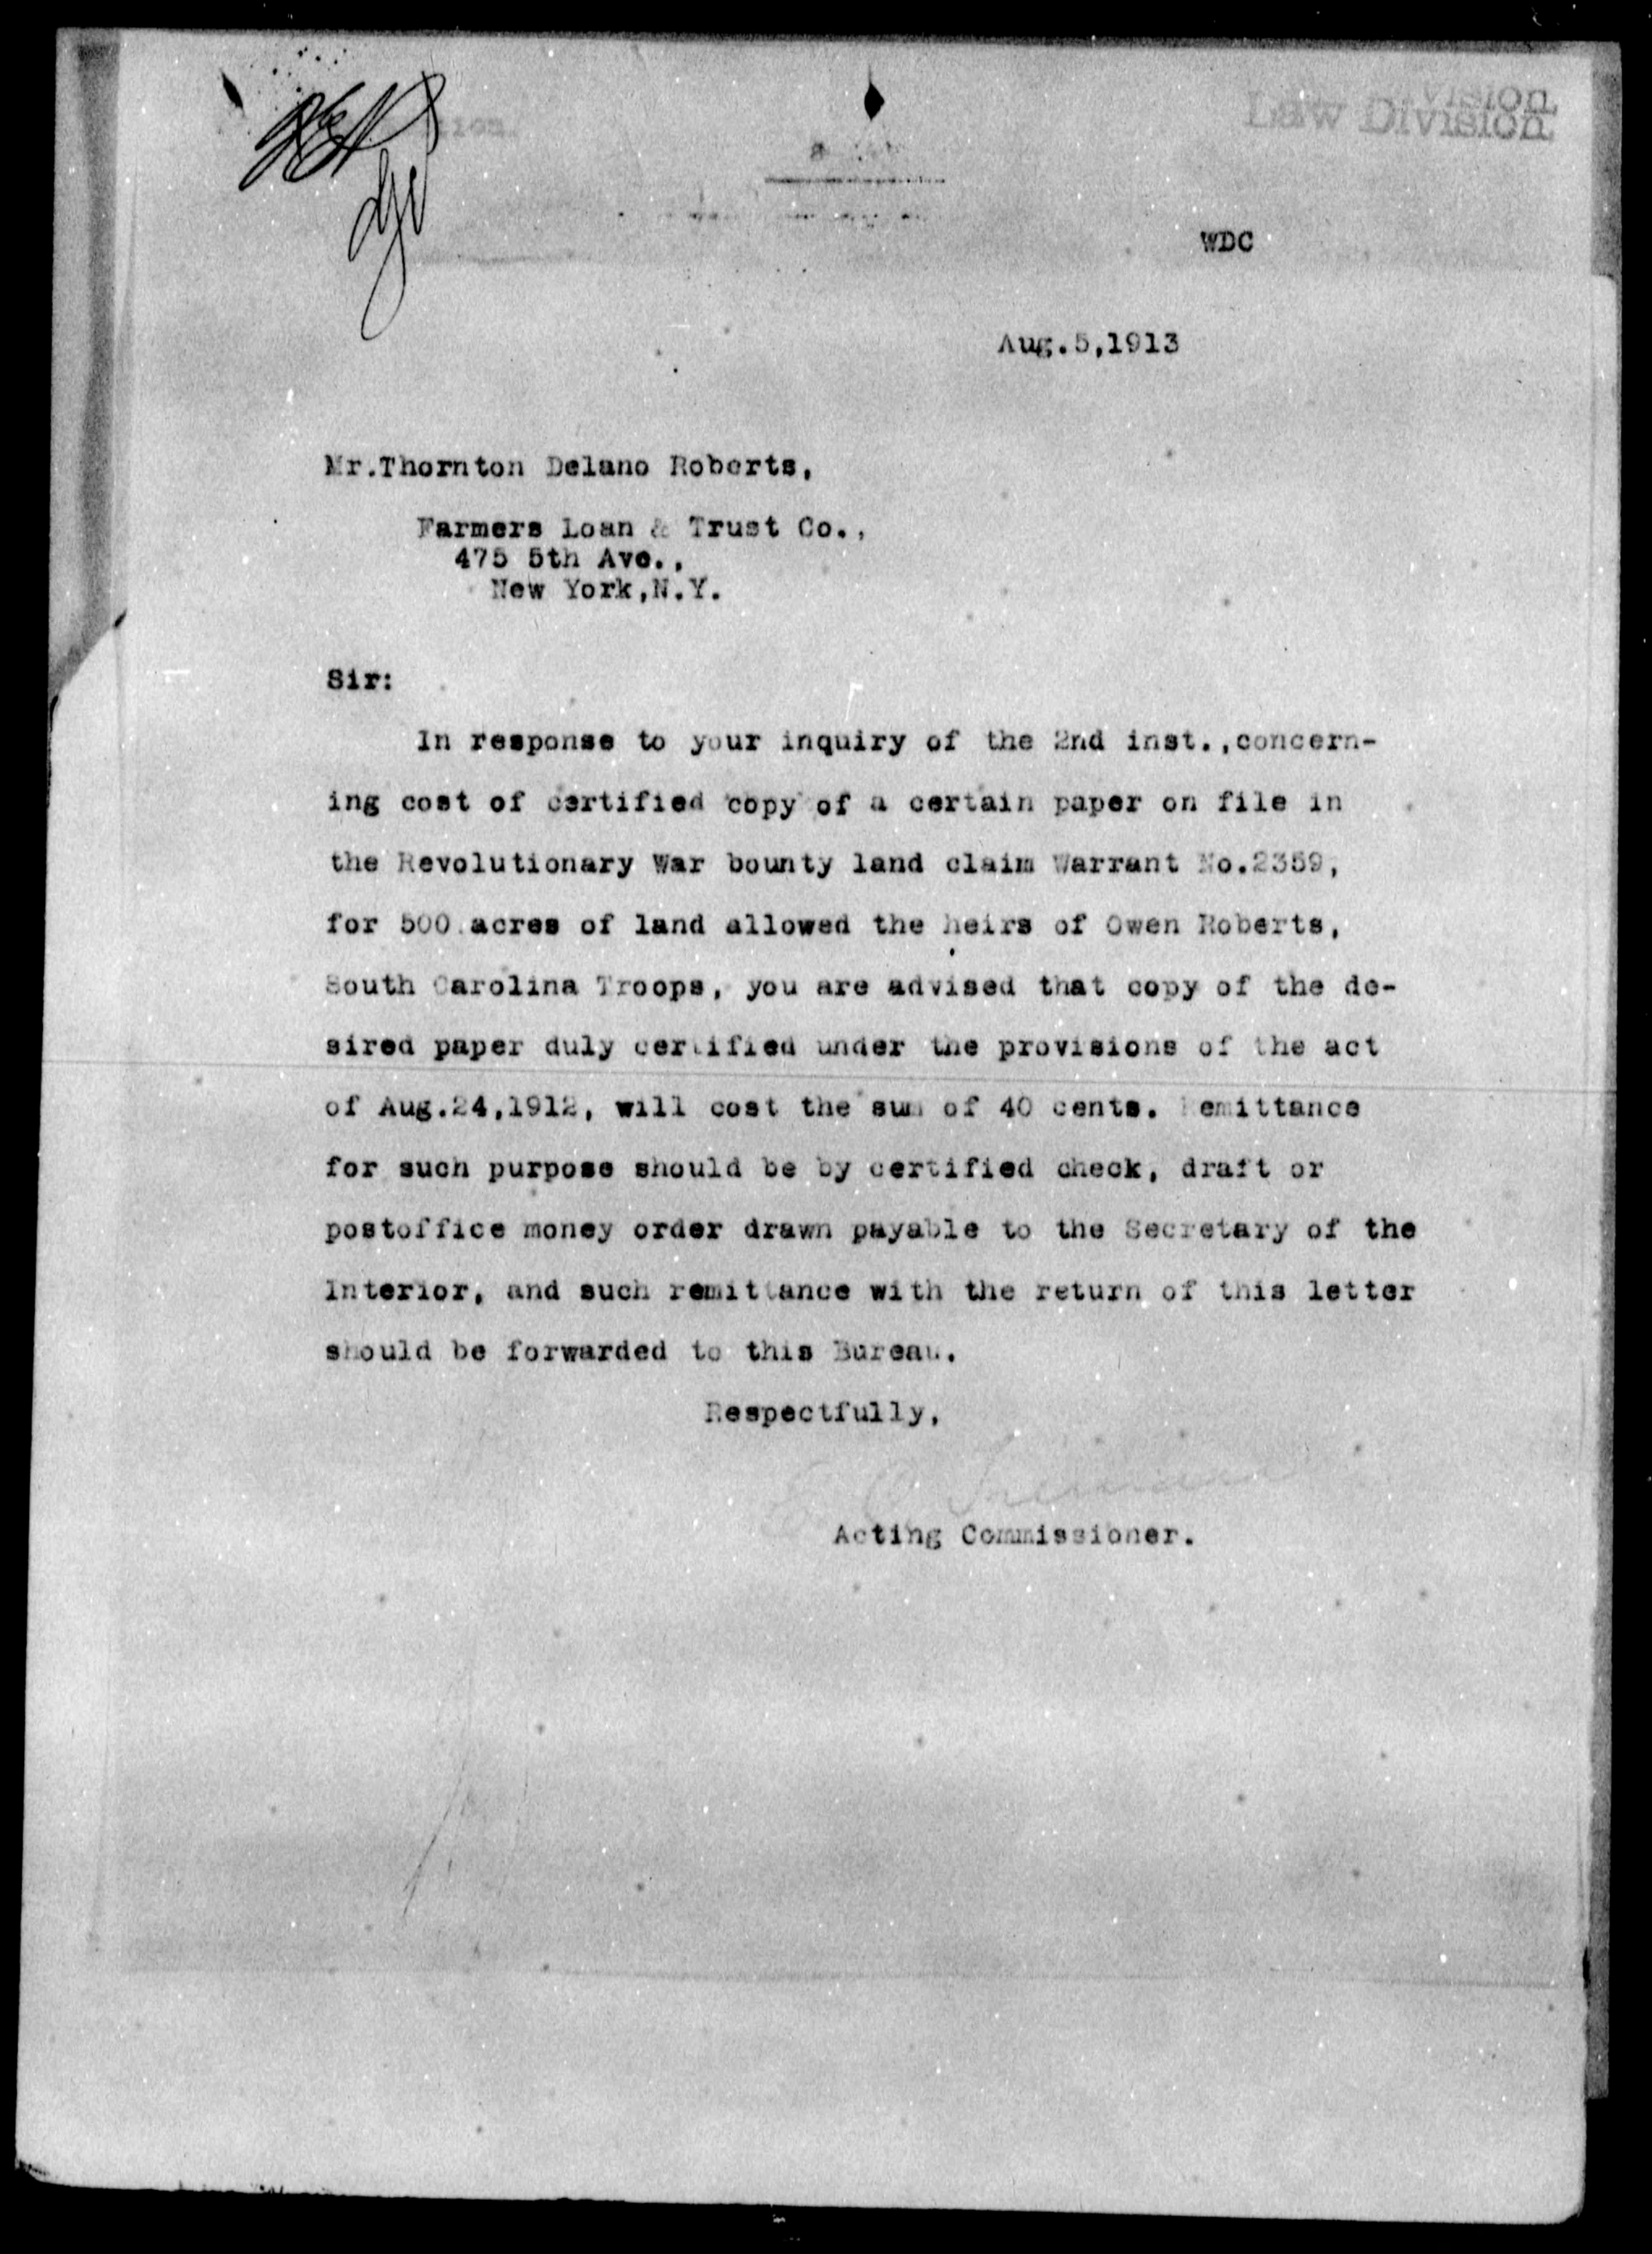[handwritten in top left, illegible]
[top right: illegible, Law Division]

WDC
Aug. 5, 1913

Mr.Thornton Delano Roberts,
Farmers Loan & Trust Co.,
475 5th Ave.,
New York,N.Y.

Sir:
In response to your inquiry of the 2nd inst., concerning cost of certified copy of a certain paper on file in the Revolutionary War bounty land claim Warrant No.2359, for 500 acres of land allowed the heirs of Owen Roberts, South Carolina Troops, you are advised that copy of the desired paper duly certified under the provisions of the act of Aug. 24,1912, will cost the sum of 40 cents. Remittance for such purpose should be by certified check, draft or postoffice money order drawn payable to the Secretary of the Interior, and such remittance with the return of this letter
should be forwarded to this Bureau.
Respectfully,
E. C. Truman
Acting Commissioner.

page: 49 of 59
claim: bounty land warrant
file: B.L.Wt. 2359-500, for Owen Roberts, South Carolina